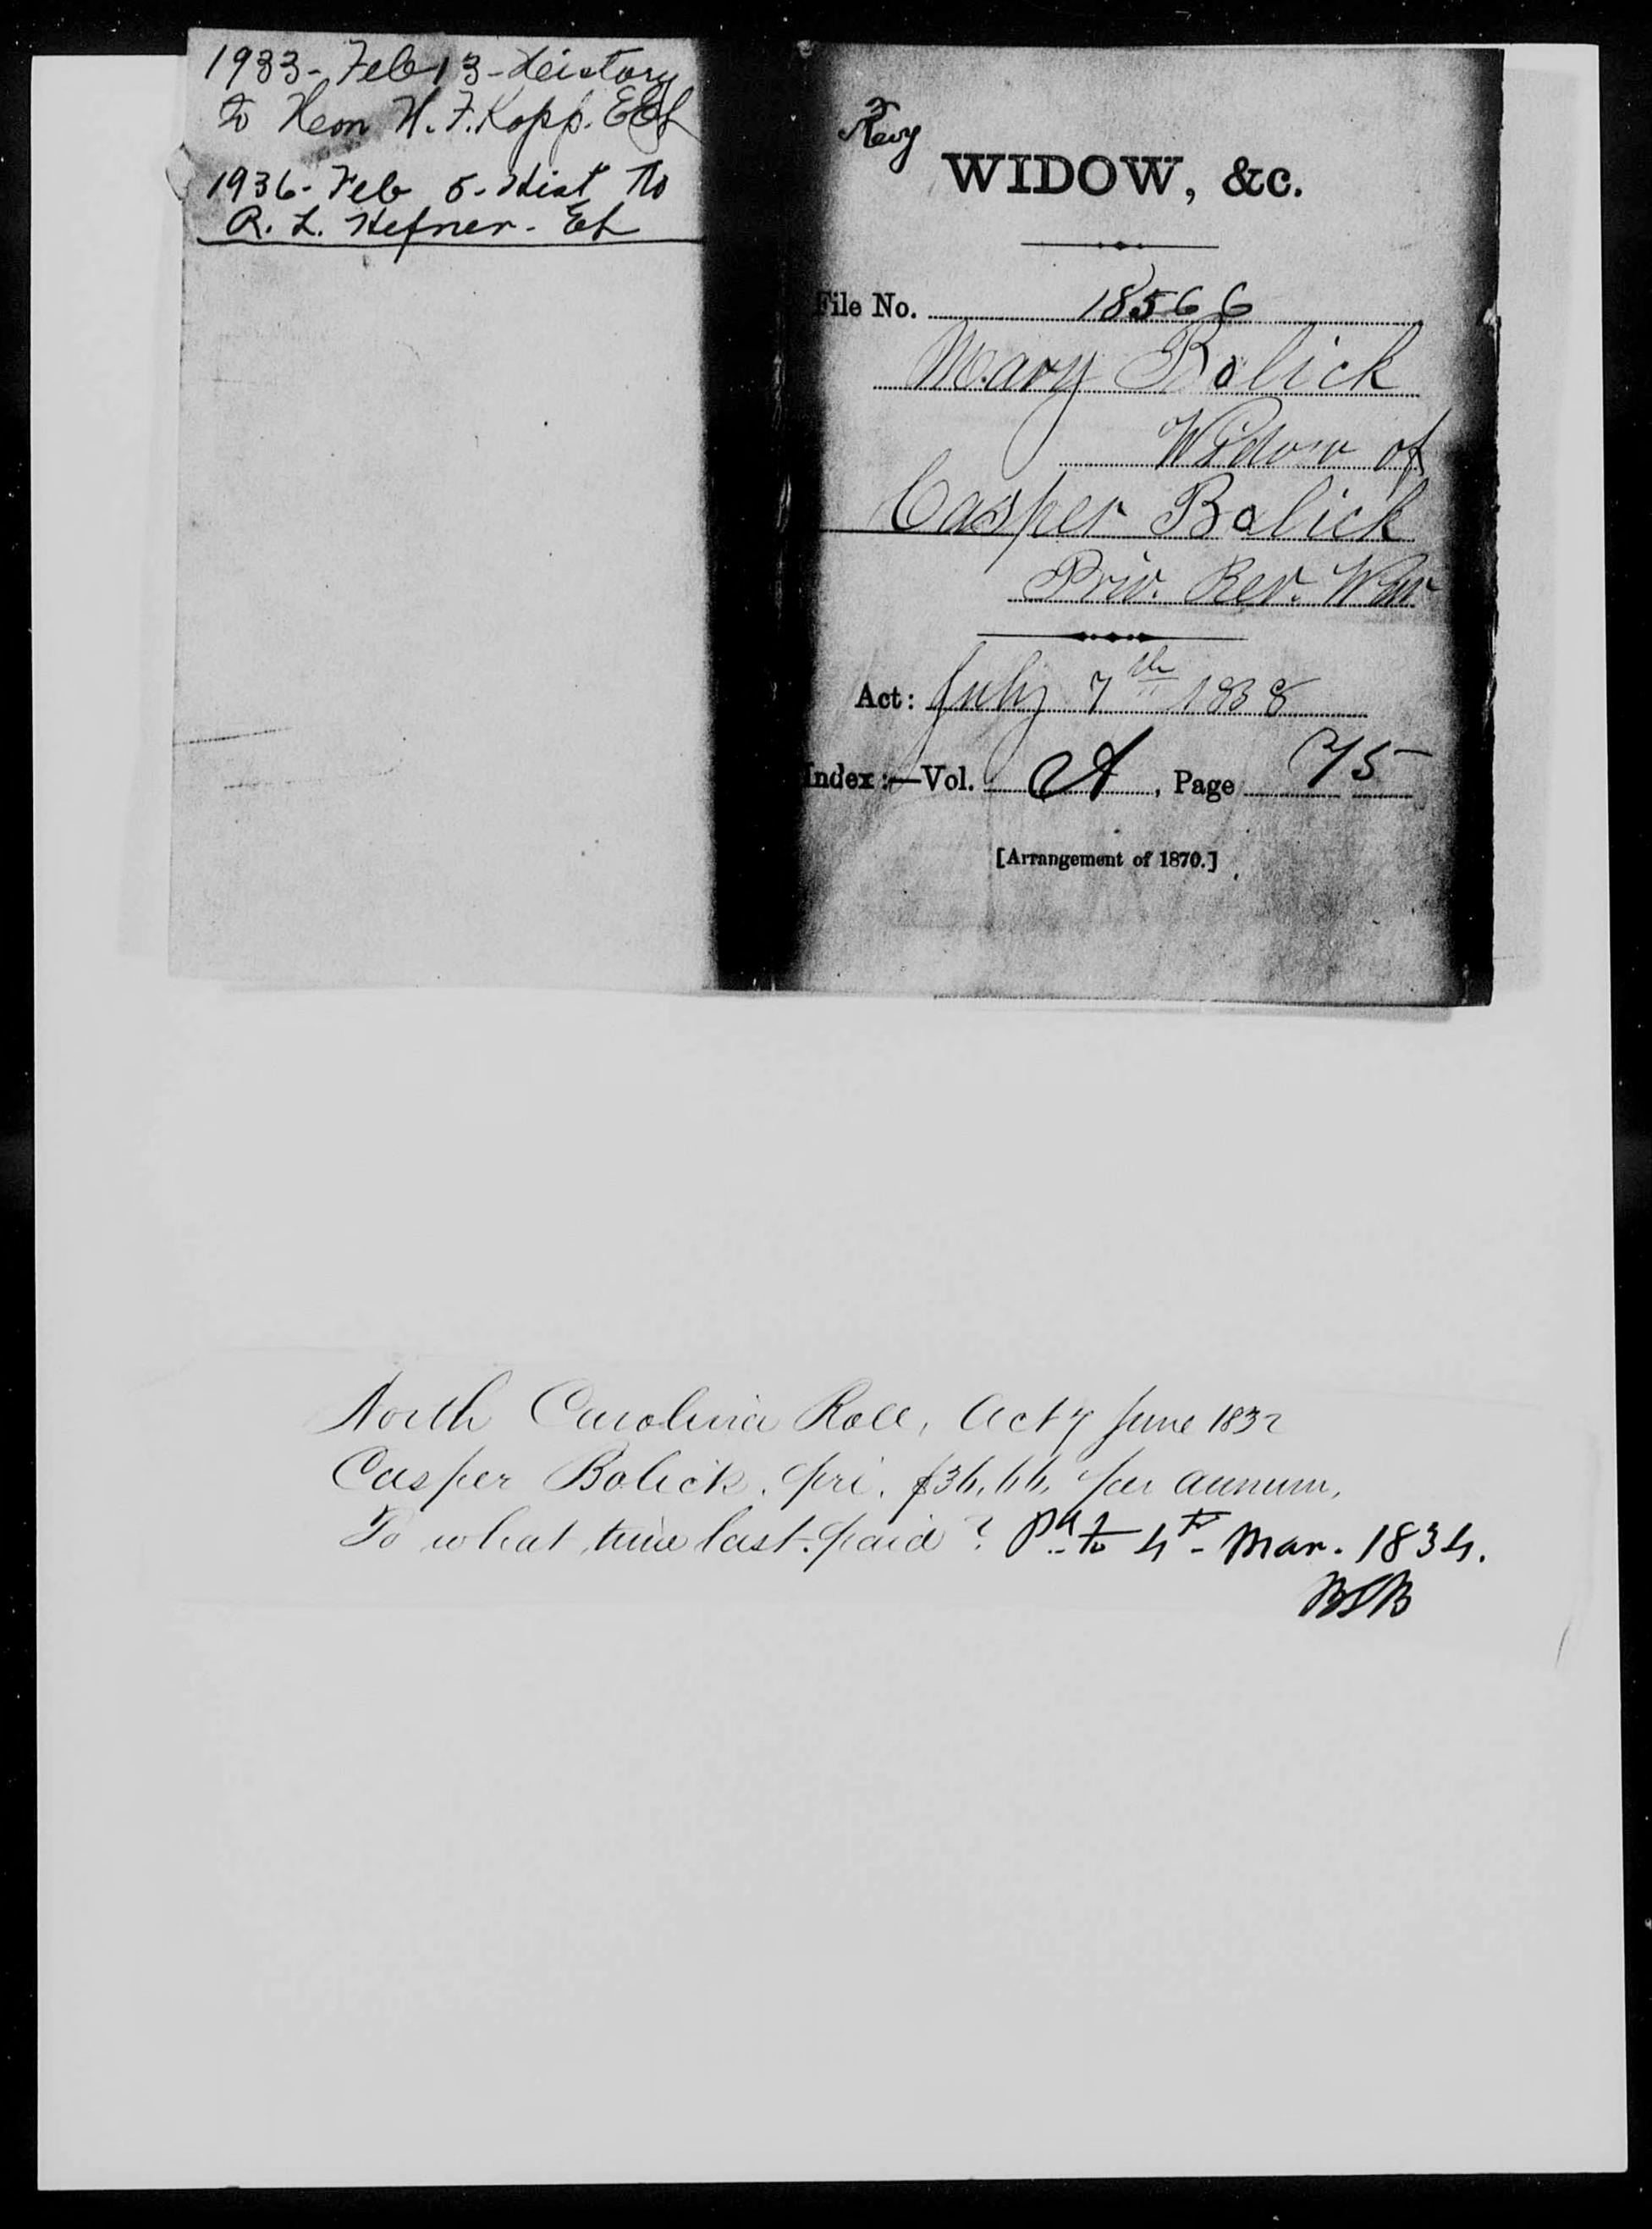1983 - Feb. 3 - History to Hon. H. F. Kopp, Esq.
1936 - Feb. 5 - Hist. to R L. Hefner Esq.

Rev'y WIDOW, &c.
File 18566
Mary Bolick
Widow of
Casper Bolick
Priv. Rev. War
Act: July 7th 1838
Index:-Vol. A, Page 75
[Arrangement of 1870.]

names: Mary Bolick, H F Kopp, Casper Bolick, Casper Bolick, R L Hefner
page: 20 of 43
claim: widow's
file: W. 18,566, Casper Bolick, N.C.